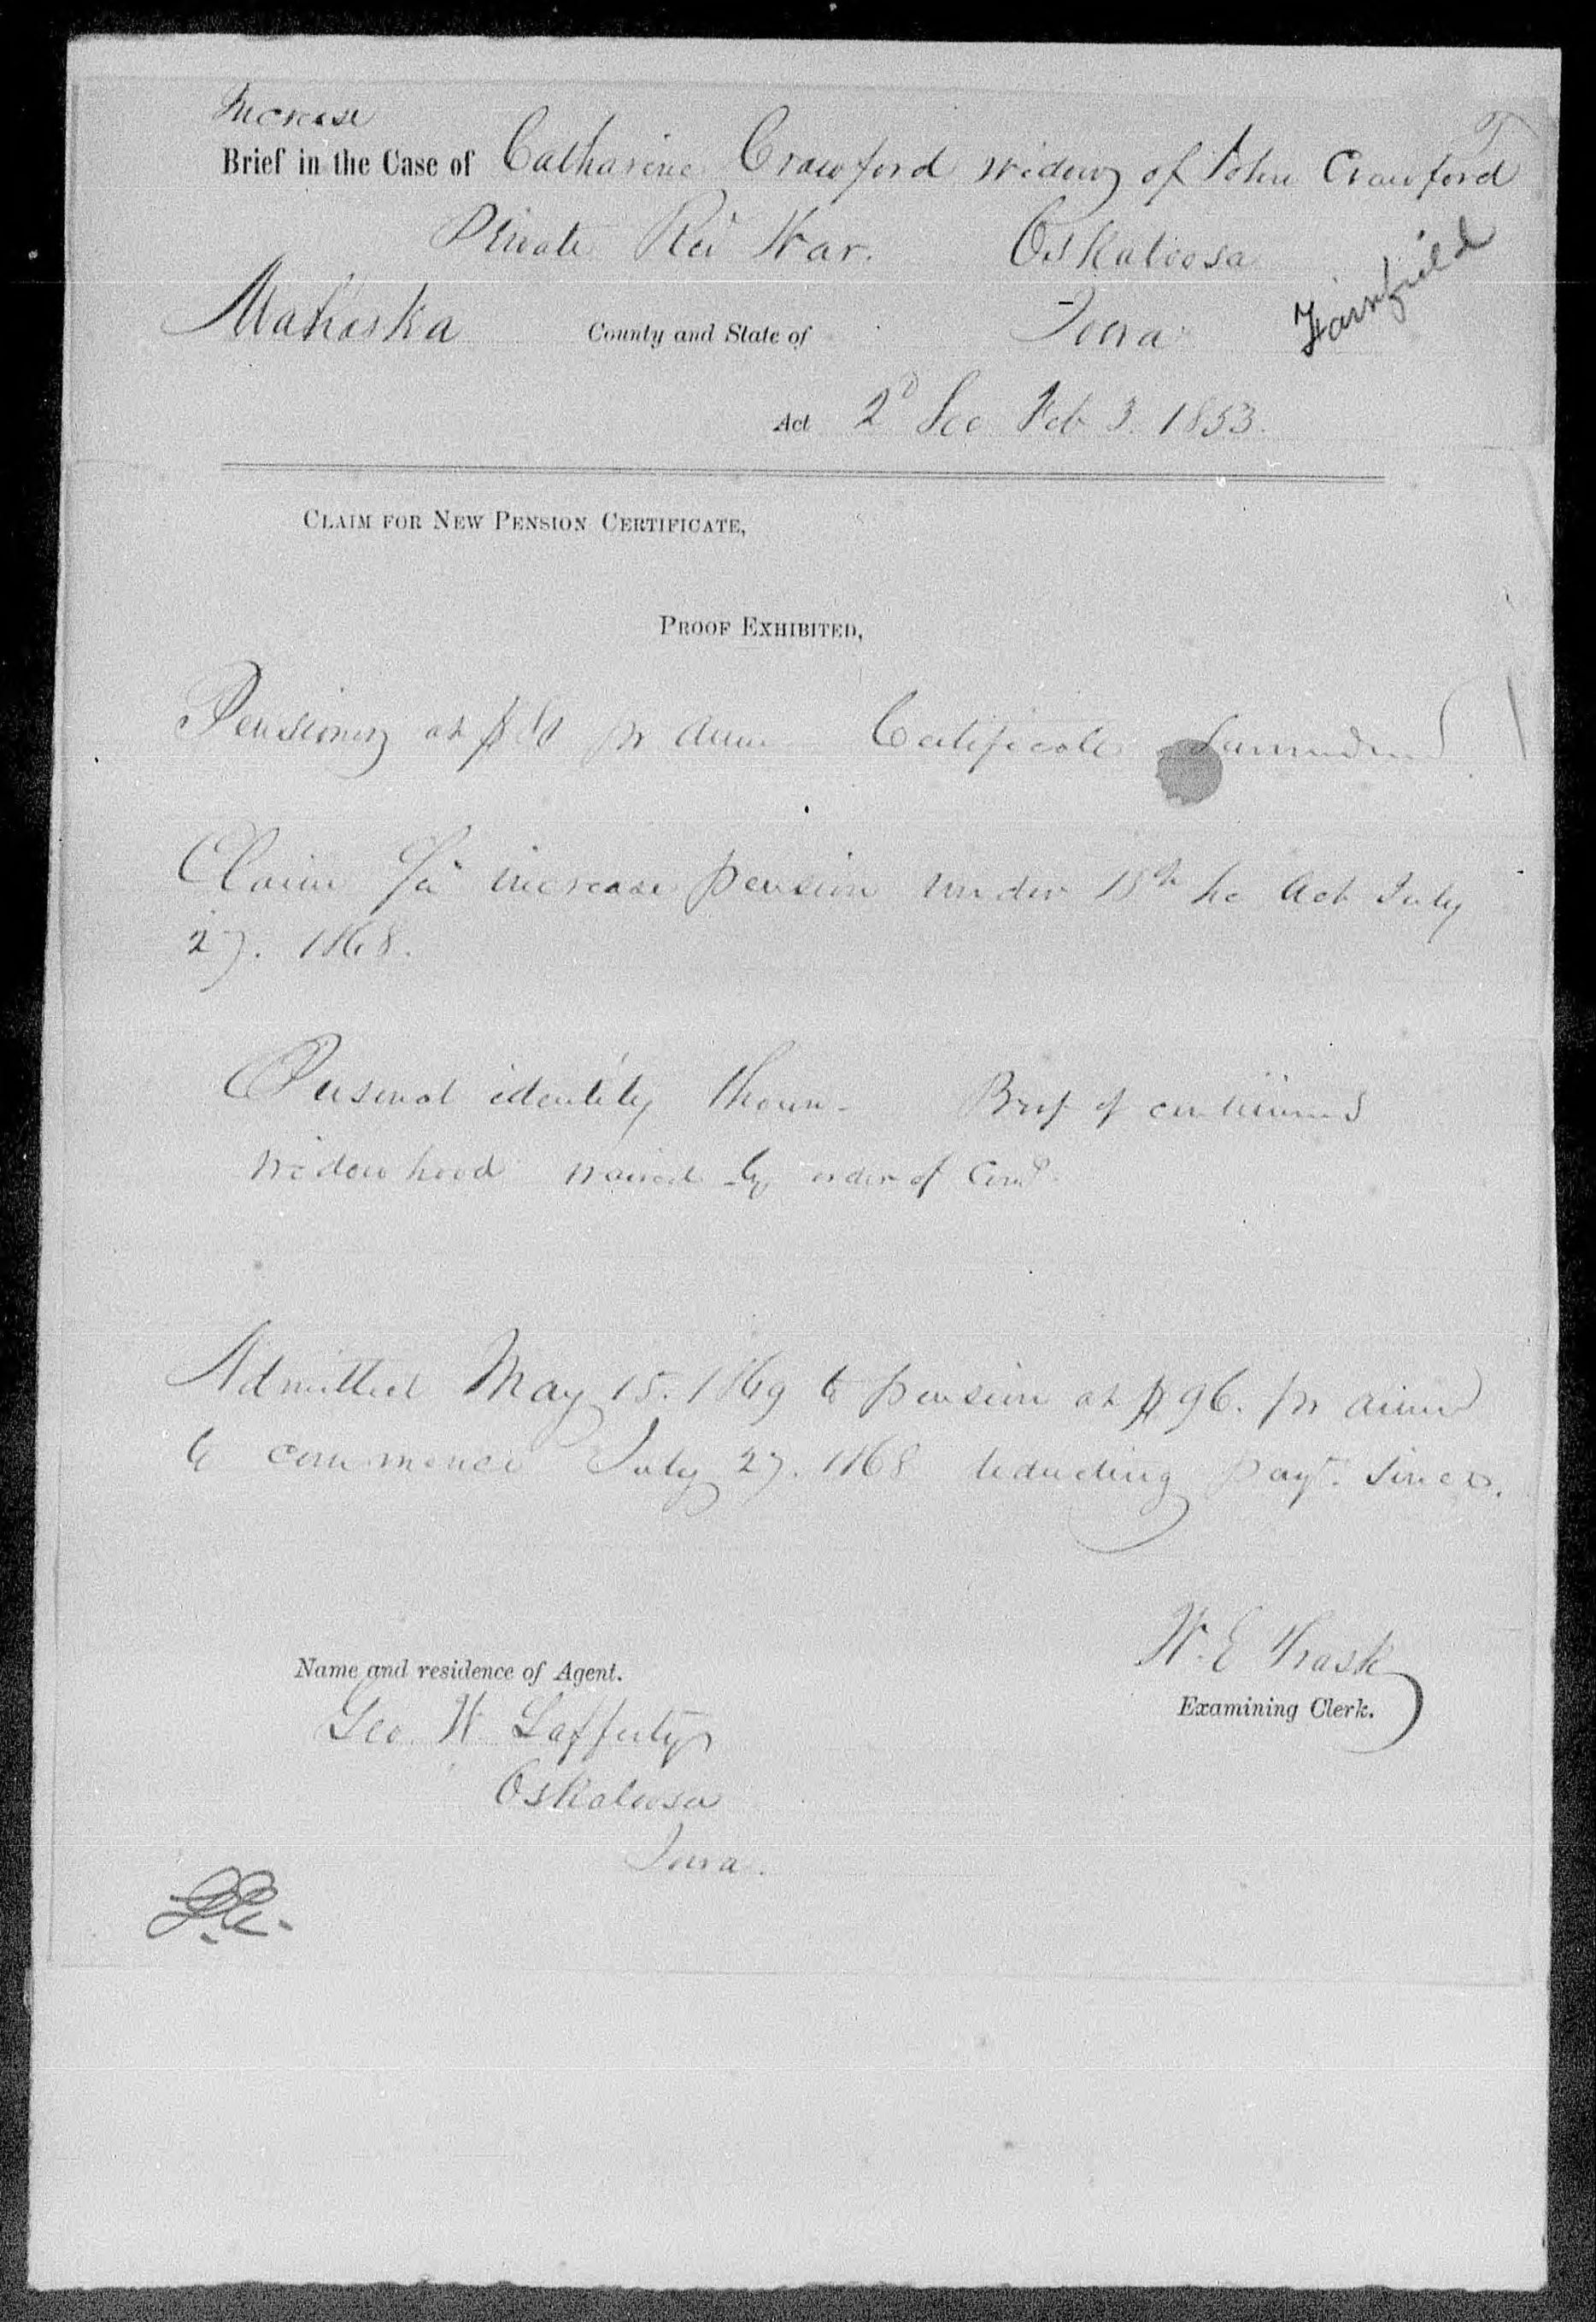Increase
Brief in the case of Catharine Crawford Widow of John Crawford
Private Rev War --Oskaloosa Mahaska County and State of Iowa - Fairfield
Act 2d Sec Feb 3, 1853

CLAIM FOR NEW PENSION CERTIFICATE,
PROOF EXHIBITED,

Pensioner at $80 per annum Certificate surrendered

Claim for increase pension under 15th he Act July 27, 1868

Personal identity shown Brief of continued Widowhood waived by order of Com

Admitted May 15, 1869 to pension at $96 per annum to commence July 27, 1868 deducting payt since

W. E Trask
Examining Clrk.
Name and residence of Agent.
Geo. W. Lafferty
Oskaloosa
Iowa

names: Geo W Lafferty, John Crawford, W E Trask, Catharine Crawford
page: 58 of 80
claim: widow's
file: W 2070, John Crawford, Penn.